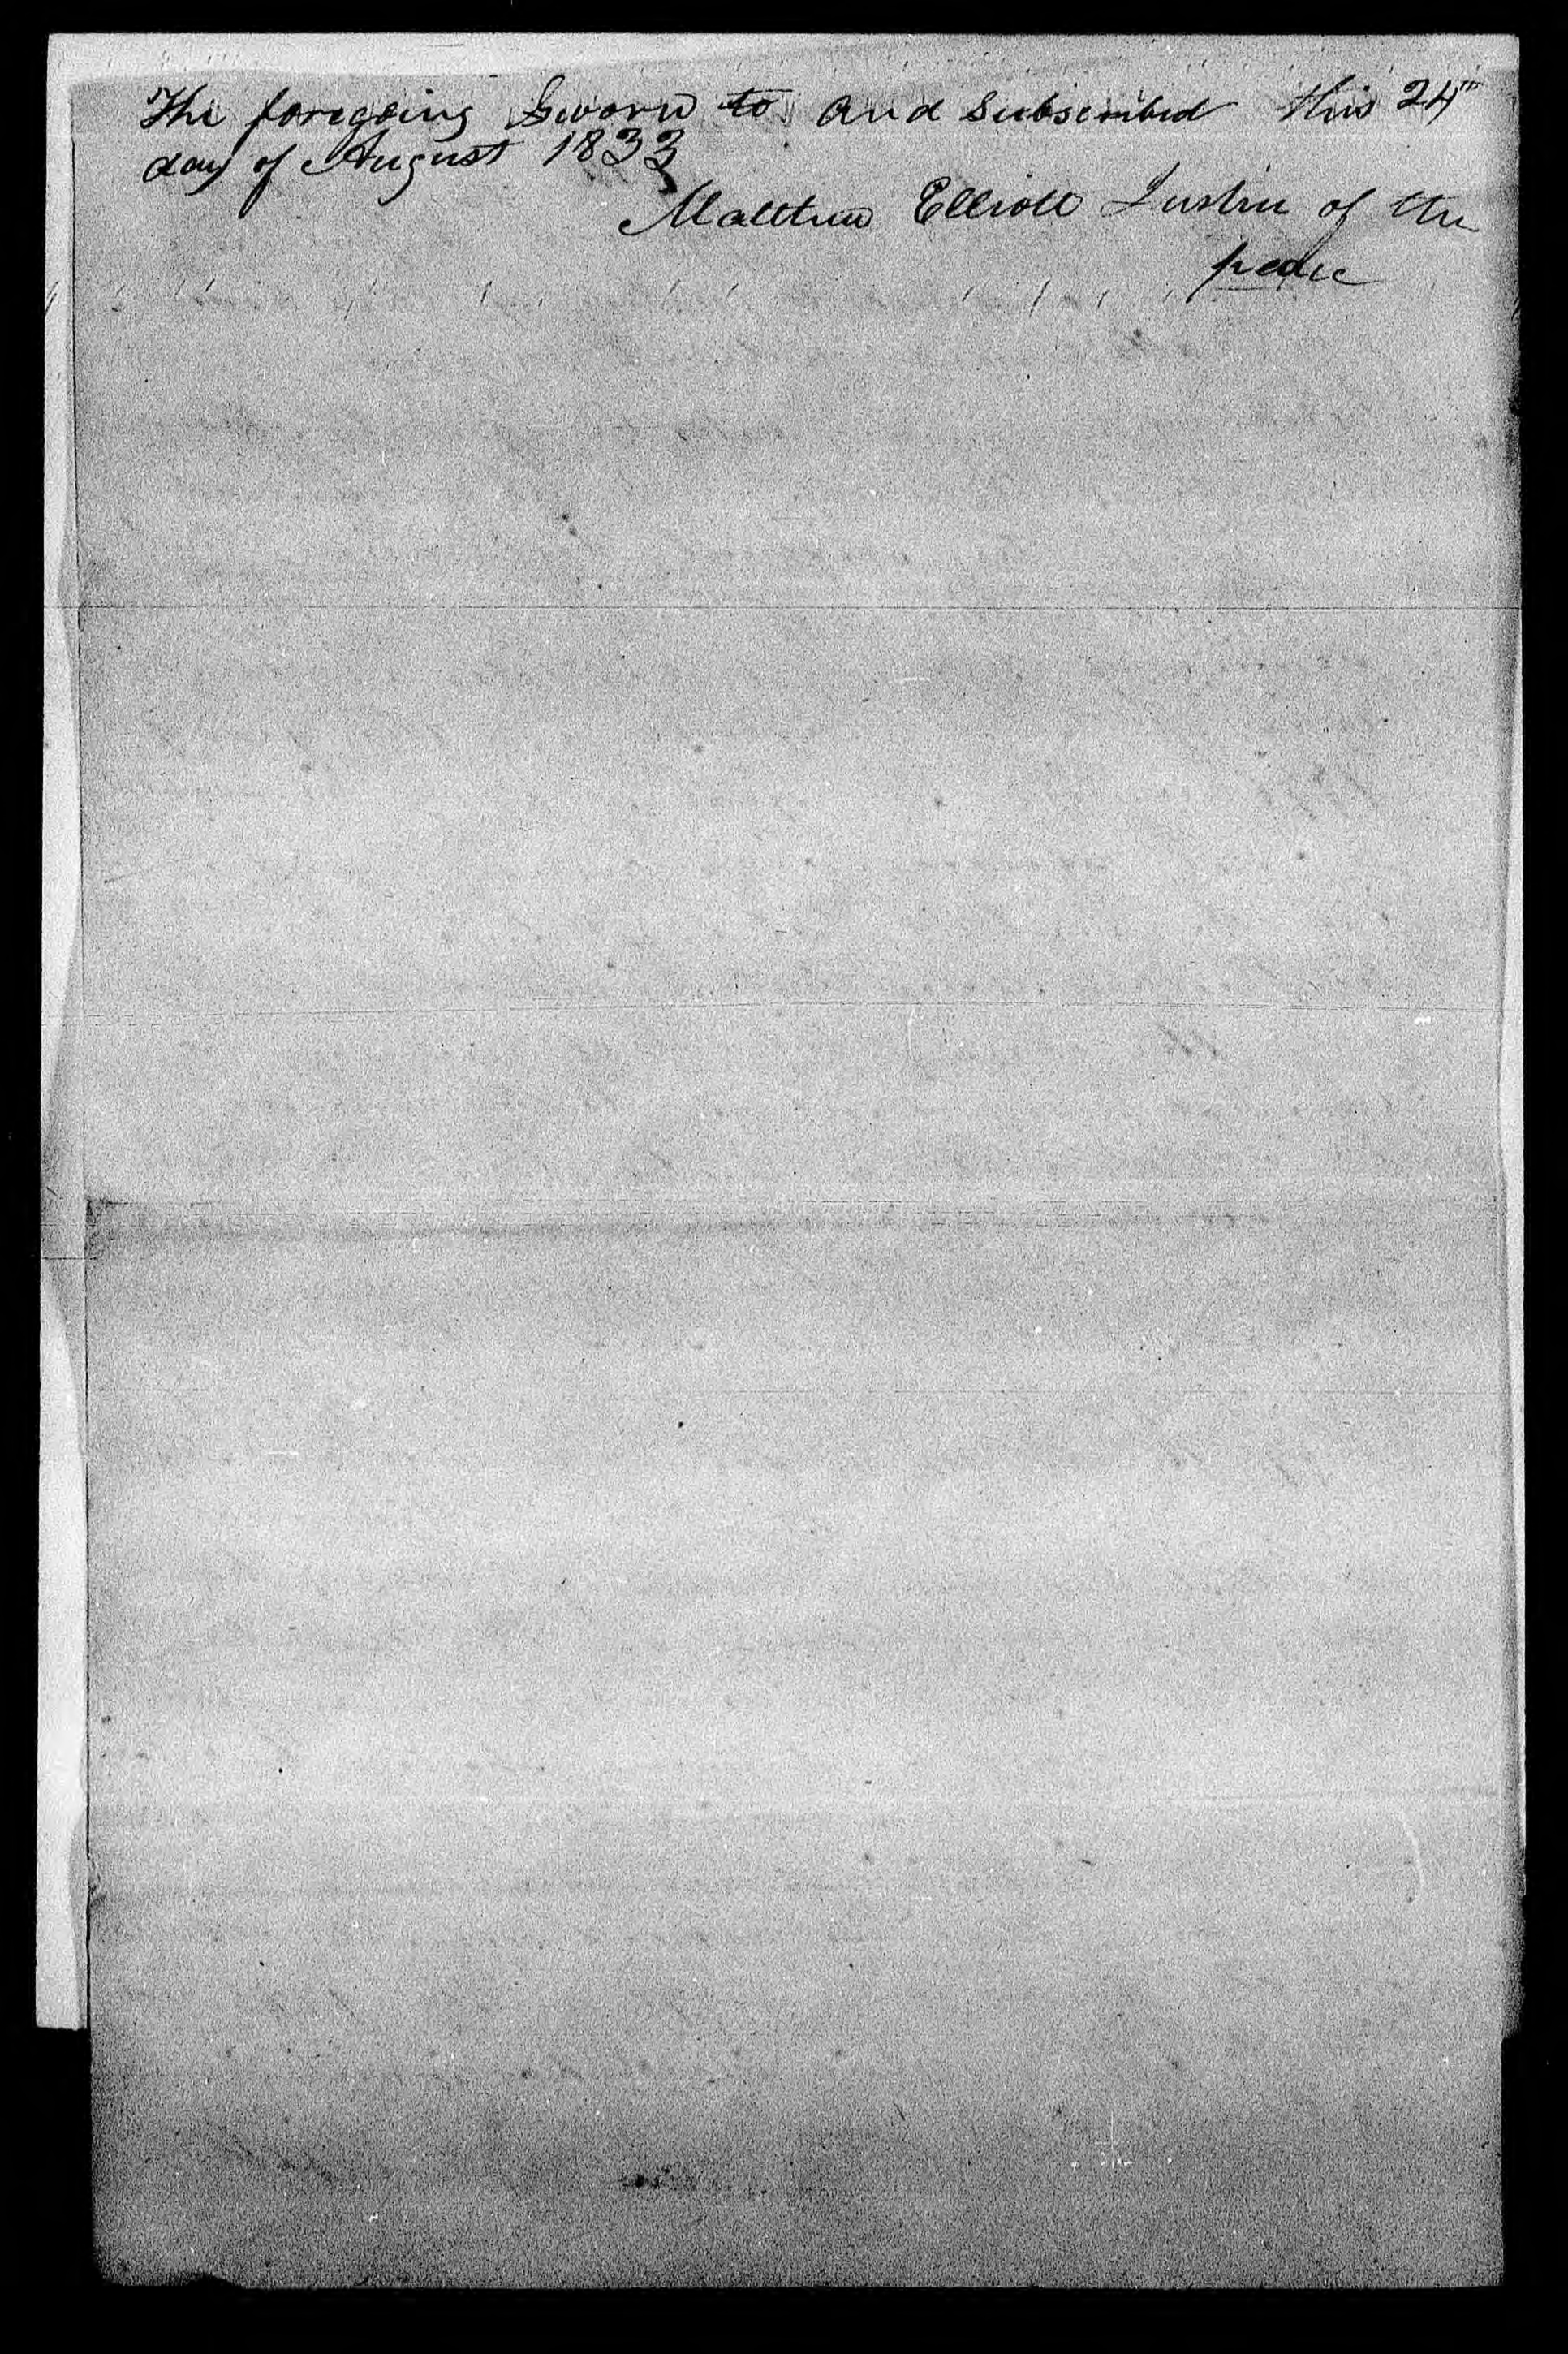The foregoing sworn to and subscribed this 24th day of August 1833.

Matthew Elliott Justice of the Peace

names: Matthew Elliott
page: 9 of 19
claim: survivor's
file: S. 16836, Ignatus Greenwell, Md.